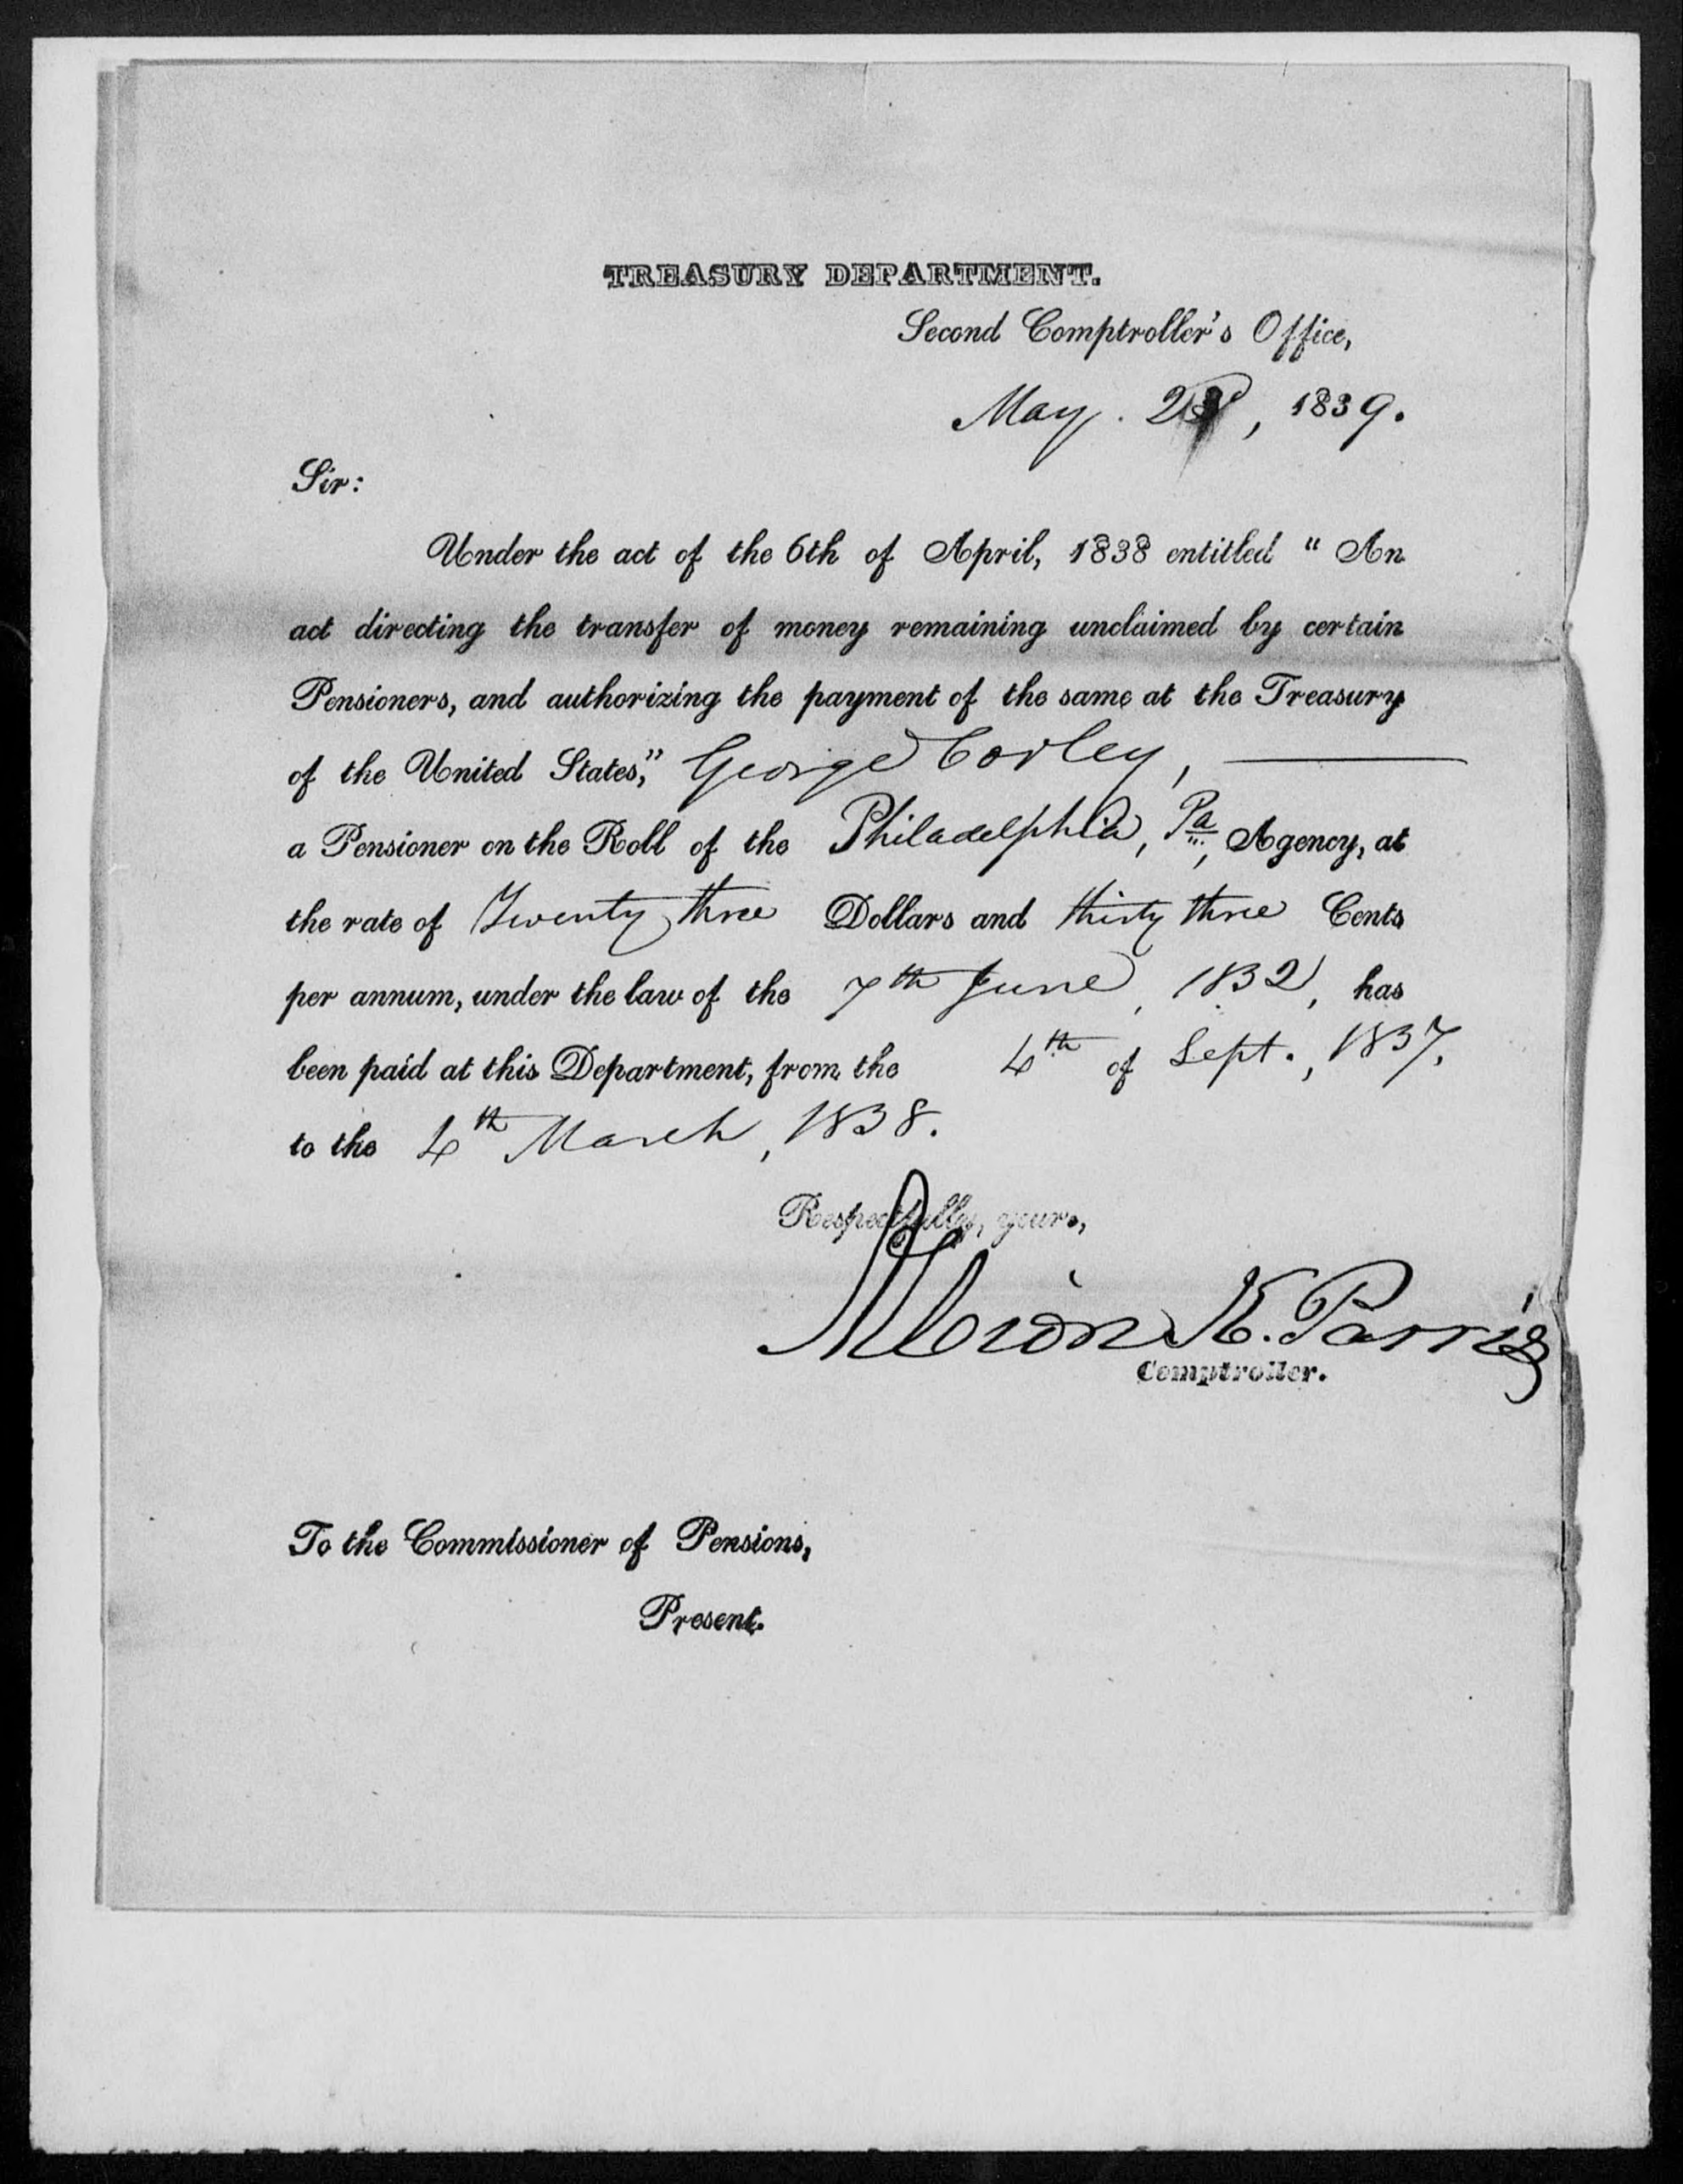TREASURY DEPARTMENT
Second Comptroller's Office,
May 23d, 1839

Sir:
Under the act of the 6th of April, 1838 entitled "An
act directing the transfer of maney remaining unclaimed by certain
Pensioners, and authorizing the payment of the same at the Treasury
of the United States," George Corley, - 
a Pensioner on the Roll of the Philadelphia, Pa, Agency, at
the rate of Twenty trree Dollars and thirty three Cents
per annum, under the law of the 7th June, 1832, has
been paid at this Department, from the 4th of Sept., 1837, 
to the 4th March, 1838.
Respectfully, yours, 
Albion K Parris
Comptroller.

To the Commissioner of Pensions,
Present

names: Albion K Parris, George Corley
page: 17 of 22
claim: survivor's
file: S. 9,199, George Corley, Md.